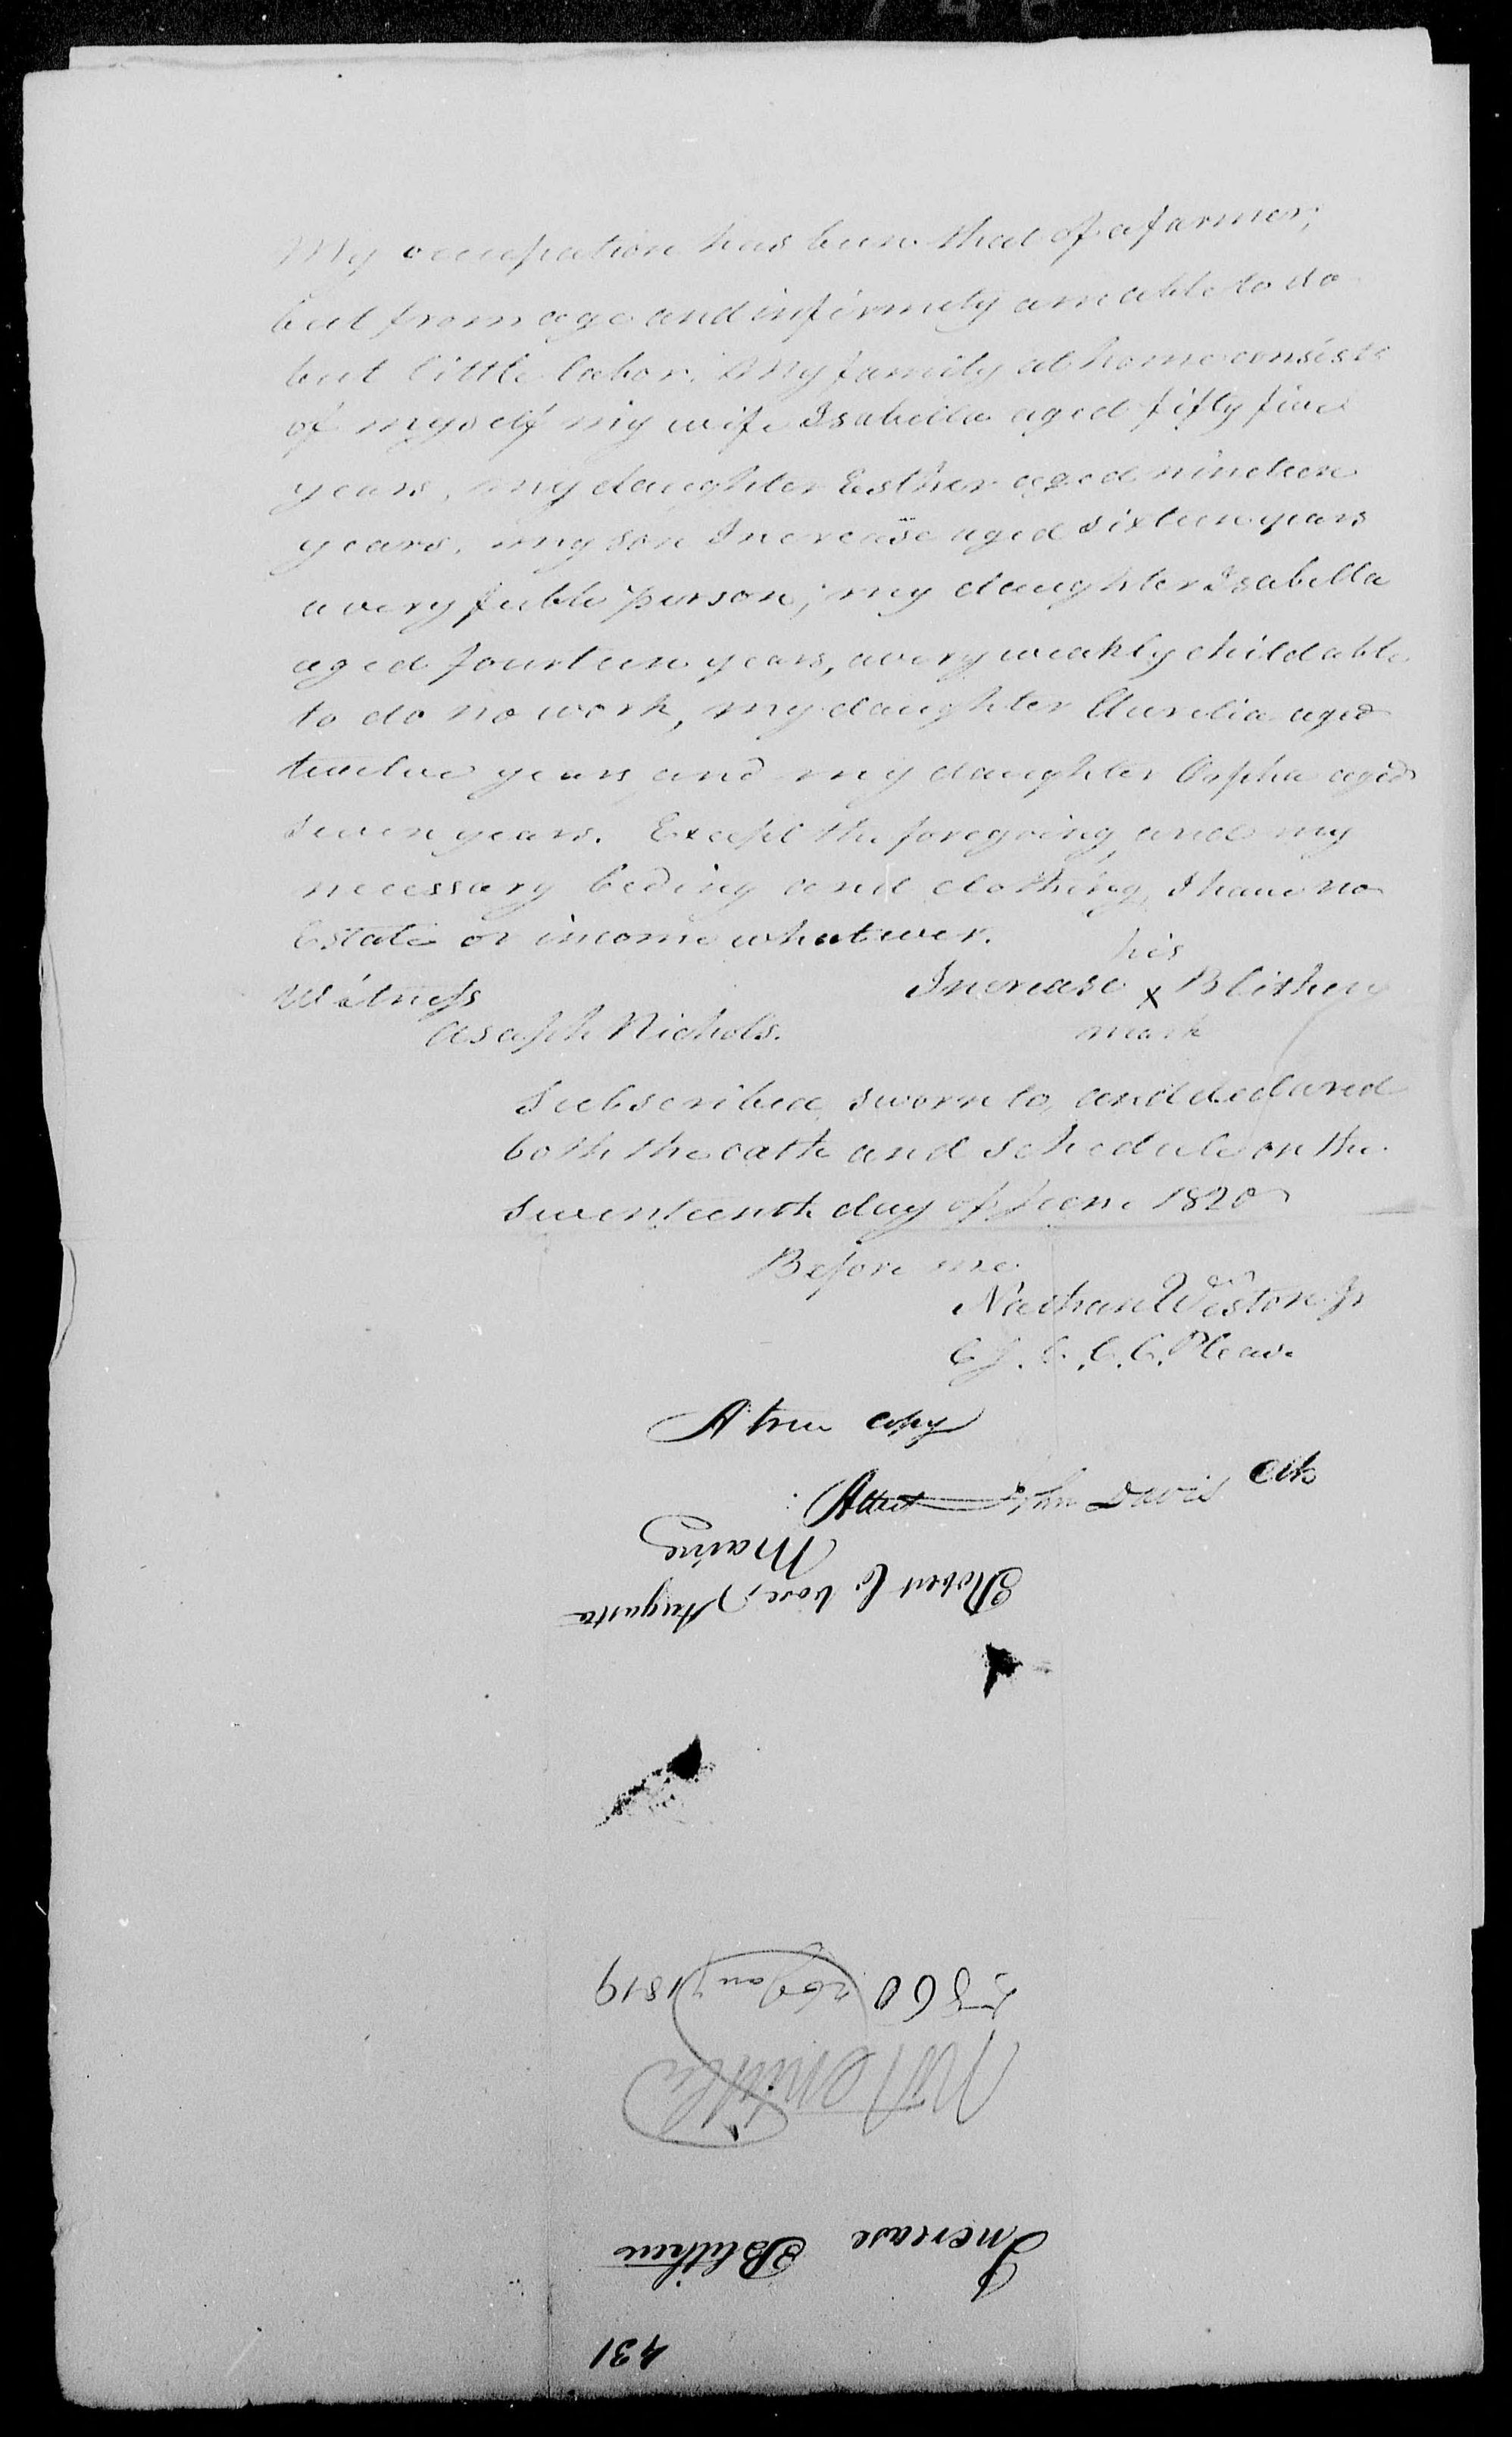My occupation had been that of a farmers;
but from age and infirmity am able to do
but little labor. My family at home consists
of myself my wife Isabella aged fifty five
years, my daughter Esther aged nineteen
years, my son Increase aged sixteen years
a very feeble person; my daughter Isabella
aged fourteen years, a very weakly child able
to do no work, my daughter Amelia aged
twelve years and my daughter Opha aged
seven years. Except the foregoing and my
necessary beding and clothing I have no
Estates or income whatever.
Witness Asaph Nichols.   Increase  his X mark  Blithen

Subscribed sworn to and delivered
both the oath and schedule on the
Seventeenth day of June 1820
Before me
Nathan Weston Js
CJ. C.C.C. Pleas
A true copy
Attest John Davis CH

Maine
Robert C. Case, Augusta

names: John Davis, Nathan Weston, Increase, Increase Blithen, Increase Blithen, Robert C Case, Esther, Isabella, Asaph Nichols, Isabella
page: 9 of 39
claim: widow's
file: W. 23,621, Increase Blethen, Mass.